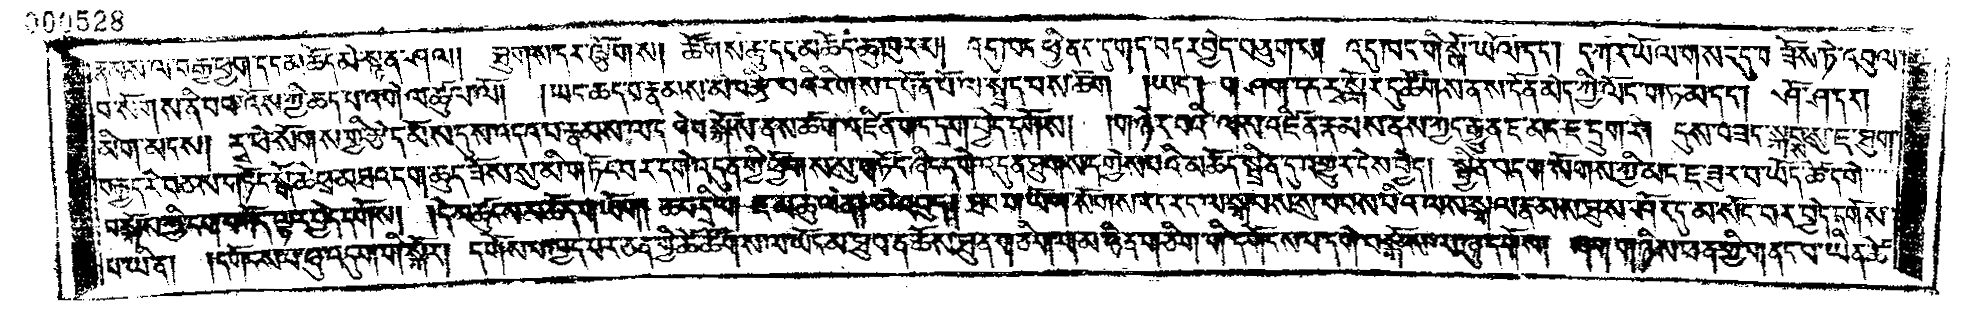རྣམས་ལ་བརྒྱ་ཕྱག་དང་མཆོད་མེ་སྙན་ཤལ། ཐུགས་དར་ལྕོགས། ཚོགས་ཆུ་དང་མཆོད་ཆུ་ཁུར་པ། འདུ་ཁང་ཕྱི་ནང་དུ་གད་བདར་བྱེད་བཅུག་པ། འདུ་ཁང་གི་སྒོ་ཡོལ་དང་། དཀར་ཡོལ་གསར་དུ་བཟོས་ཏེ་འབུལ་
བ་སོགས་ནི་བབ་འོས་ཀྱི་ཆད་པ་འགེལ་ཚུལ་ལོ། །ཡང་ཆད་པ་རྣམས་མ་བརྩི་བའི་རིགས་དཔོན་པོ་ལ་སྤྲད་པས་ཆོག །ཡང་། གཤག་དང་རྭ་སྐོར་དུ་ཚོགས་ནས་དོན་མེད་ཀྱི་ལོང་གཏམ་དང་། ཤོ་ཤ་དར།
མིག་མངས། རྭ་ཕེ་སོགས་ཀྱི་རྩེད་མོས་དུས་འདའ་བ་རྣམས་ལ་དགེ་བསྐོས་ནས་ཚག་འཛིན་གང་དག་བྱེད་དགོས། །གཉེར་བའི་ལས་འཛིན་རྣམས་ནས་ཀྱང་རྒྱུན་ཇ་མང་ཇ་དྲུག་རེ། དུས་བཟང་སྐབས་སུ་ཇ་ཐུག་
བརྒྱད་རི་བཅས་གཏོང་སྒོ་ཆེ་ཕྲ་མཐའ་དག་ཆུད་ཟོས་སུ་མི་གཏོང་བར་དགེ་འདུན་གྱི་ཕྱོགས་སུ་གཏོང་ཞིང་དགེ་འདུན་ཐུགས་དགྱེས་པའི་མཆོད་སྤྲིན་དུ་འགྱུར་ངེས་བྱེད། སྦྱིན་བདག་སོགས་ཀྱི་མང་ཇ་ཟུར་བ་ཡོད་ཚེ་དགེ་
བསྐོས་ཀྱི་དགྲ་བཀོད་ལྟར་བྱེད་དགོས། །དེ་མཚུངས་མཆོད་གཡོག །ཆབ་དྲིལ། ཇ་མ་ཆུ་ལེན། མེ་འབུད། ཐབ་གཡོག་སོགས་རང་རང་ལ་སྐབས་སུ་བབས་པའི་ལས་སྐལ་རྣམས་ཐུས་ཤོར་དུ་མ་སོང་བར་ཕྱེད་དགོས་
པ་ཡིན། །དགོངས་པ་ཞུ་འདུག་གི་སྐོར། དགོས་པ་ཁྱད་པར་ཅན་གྱི་ཚེ་ཚོགས་ལ་ཡོང་མ་ཐུབ་ན་ཆོས་ཐུན་གཅིག་གམ་ཉིན་གཅིག་གི་དགོངས་པ་དགེ་བསྐོས་ལ་ཞུ་དགོས། ཞག་གཉིས་ཕན་གྱི་གནང་བ་ཡིན་ཚེ་